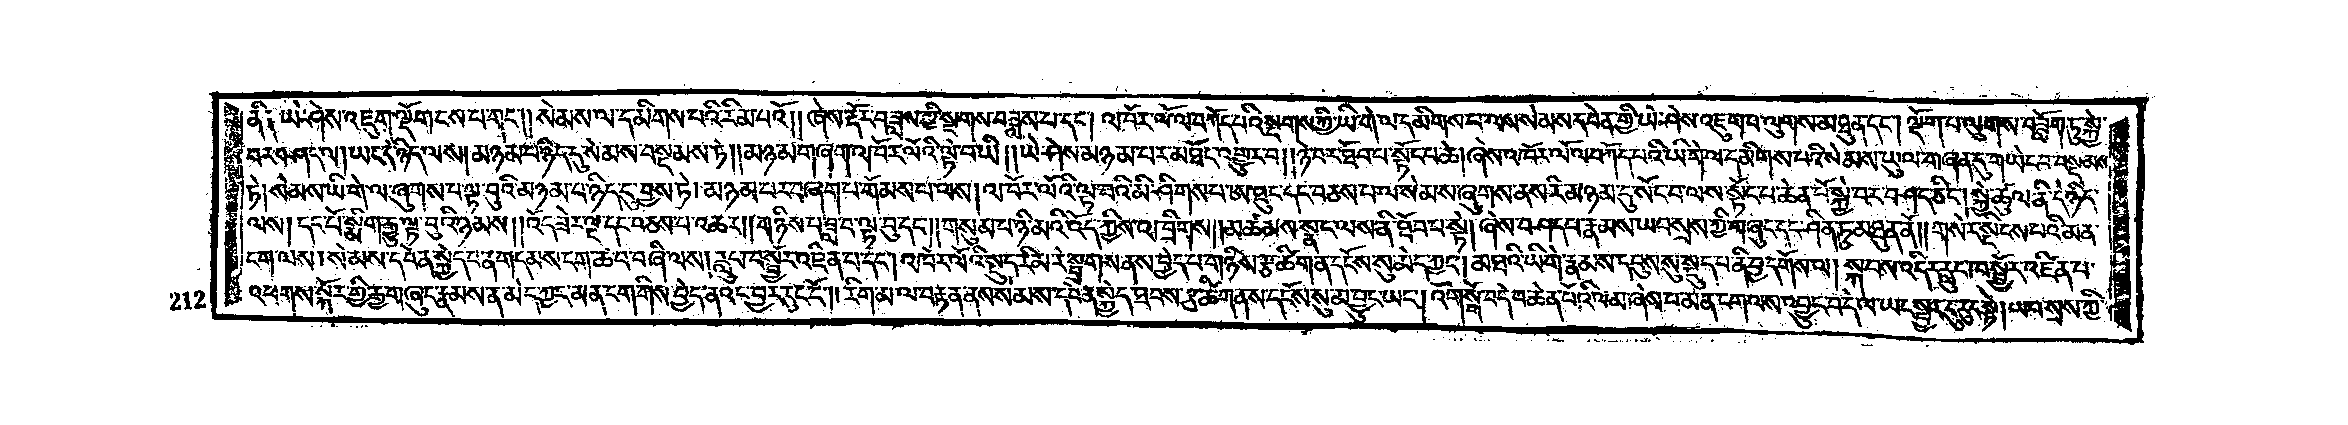ནི། ཡེ་ཤེས་འཇུག་ལྡོག་ངེས་པ་གང་། །སེམས་ལ་དམིགས་པའི་རིམ་པའོ། །ཞེས་རྡོར་བཟླས་ཀྱི་སྔགས་བཟླས་པ་དང་། འཁོར་ལོ་ལ་བཀོད་པའི་སྔགས་ཀྱི་ཡི་གེ་ལ་དམིགས་པ་ལས་སེམས་དབེན་གྱི་ཡེ་ཤེས་འཇུག་པ་ལུགས་མཐུན་དང་། ལྡོག་པ་ལུགས་བཟློག་ཏུ་སྐྱེ་
བར་བཤད་ལ། ཡང་དེ་ཉིད་ལས། མཉམ་པ་ཉིད་དུ་སེམས་བསྡམས་ཏེ། །མཉམ་གཞག་འཁོར་ལོའི་ལྟེ་བ་ཡི། །ཡེ་ཤེས་མཉམ་པར་མཐོང་འགྱུར་བ། །ཉེ་བར་ཐོབ་པ་སྟོང་བ་ཆེ། ཞས་འཁོར་ལོ་ལ་བཀོད་པའི་ཡི་གེ་ལ་དམིགས་པའི་སེམས་ཡུལ་གཞན་དུ་གཡེང་བ་བསྡམས་
ཏེ། སེམས་ཡི་གེ་ལ་ཞུགས་པ་ལྟ་བུའི་མཉམ་པ་ཉིད་དུ་བྱས་ཏེ། མཉམ་པར་བཞག་པ་གོམས་པ་ལས། འཁོར་ལོའི་ལྟེ་བའི་མི་ཤིགས་པ་ཨ་ཐུང་དང་བཅས་པ་ལ་སེམས་ཞུགས་ནས་རོ་མཉམ་དུ་སོང་བ་ལས་སྟོང་པ་ཆེན་པོ་སྐྱེ་བར་བཤད་ཅིང་། སྐྱེ་ཚུལ་ནི་དེ་ཉིད་
ལས། དང་པོ་སྨིག་རྒྱུ་ལྟ་བུའི་ཉམས། །འོད་ཟེར་ལྔ་དང་བཅས་པ་འཆར། །གཉིས་པ་ཟླ་བ་ལྟ་བུ་དང་། །གསུམ་པ་ཉི་མའི་འོད་ཀྱིས་འཁྲིགས། །མཚམས་སྣང་ལས་ནི་ཐོབ་པ་སྟེ། ཞེས་བཤད་པ་རྣམས་ཡབ་སྲས་ཀྱི་གཞུང་དང་ཤིན་ཏུ་མཐུན་ནོ། །གསེར་སྡིངས་པའི་མན་
ངག་ལས། སེམས་དབེན་སྐྱེད་པ་ན་གདམས་ངག་ཆེ་བ་བཞི་ལས། རླུང་ཁ་སྦྱོར་འཛིན་པ་དང་། འཁོར་ལོའི་སྡུད་རིམ་རེ་སྦྲགས་ནས་བྱེད་པ་གཉིས་རྩ་ཚིག་ན་དངོས་སུ་མེད་ཀྱང་། མཐའི་ཡི་གེ་རྣམས་དབུས་སུ་སྡུད་པ་ནི་བྱ་དགོས་ལ། སྐབས་འདིར་རླུང་ཁ་སྦྱོར་འཛིན་པ་
འཕགས་སྐོར་གྱི་རྒྱ་གཞུང་རྣམས་ན་མེད་ཀྱང་མན་ངག་གིས་བྱེད་ནའང་བྱར་རུང་ངོ། །རིག་མ་ལ་བརྟན་ནས་སེམས་དབེན་སྐྱེད་ཐབས་རྩ་ནས་དངོས་སུ་མ་བྱུང་ཡང་། འོག་སྒོ་བདེ་བ་ཆེན་པོའི་ལམ་ཞེས་པ་མན་ངག་ལས་འབྱུང་བ་དེ་ལ་ཡང་སྦྱར་དུ་རུང་སྟེ། ཡབ་སྲས་ཀྱི་